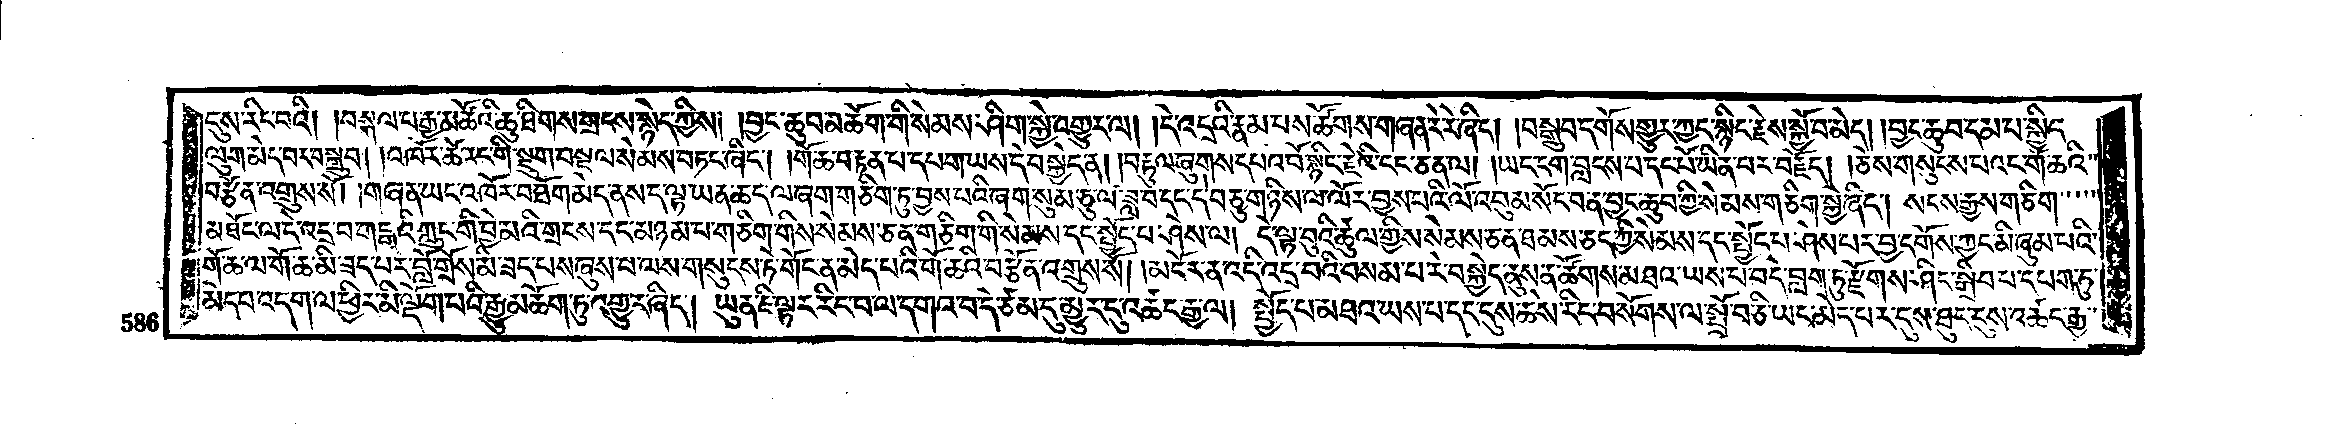དུས་རིང་བའི། །བསྐལ་པ་རྒྱ་མཚོའི་ཆུ་ཐིགས་གྲངས་སྙེད་ཀྱིས། །བྱང་ཆུབ་མཆོག་གི་སེམས་ཤིག་སྐྱེ་འགྱུར་ལ། །དེ་འདྲའི་རྣམ་པས་ཚོགས་གཞན་རེ་རེ་ཞིང་། །བསྒྲུབ་དགོས་གྱུར་ཀྱང་སྙིང་རྗེས་སྐྱོ་བ་མེད། །བྱང་ཆུབ་དམ་པ་སྒྱིད་
ལུག་མེད་པར་བསྒྲུབ། །འཁོར་ཚེ་རང་གི་སྡུག་བསྔལ་སེམས་བཏང་ཞིང་། །གོ་ཆ་བརྟན་པ་དཔག་ཡས་དེ་བསྐྱེད་ན། །བརྟུལ་ཞུགས་དཔའ་བོ་སྙིང་རྗེའི་ངང་ཅན་ལ། །ཡང་དག་བླངས་པ་དང་པོ་ཡིན་པར་བརྗོད། །ཅེས་གསུངས་པའང་གོ་ཆའི་
བརྩོན་འགྲུས་སོ། །གཞན་ཡང་འཁོར་བ་ཐོག་མེད་ནས་ད་ལྟ་ཡན་ཆད་ལ་ཞག་གཅིག་ཏུ་བྱས་པའི་ཞག་སུམ་ཅུ་ལ་ཟླ་བ་དང་དེ་བཅུ་གཉིས་ལ་ལོར་བྱས་པའི་ལོ་འབུམ་སོང་བ་ན་བྱང་ཆུབ་ཀྱི་སེམས་གཅིག་སྐྱེ་ཞིང་། སངས་རྒྱས་གཅིག་
མཐོང་ལ་དེ་འདྲ་བ་གངྒཱའི་ཀླུང་གི་བྱེ་མའི་གྲངས་དང་མཉམ་པ་གཅིག་གིས་སེམས་ཅན་གཅིག་གི་སེམས་དང་སྤྱོད་པ་ཤེས་ལ། དེ་ལྟ་བུའི་ཚུལ་གྱིས་སེམས་ཅན་ཐམས་ཅད་ཀྱི་སེམས་དང་སྤྱོད་པ་ཤེས་པར་བྱ་དགོས་ཀྱང་མི་ཞུམ་པའི་
གོ་ཆ་ལ་གོ་ཆ་མི་ཟད་པར་བློ་གྲོས་མི་ཟད་པས་ཞུས་པ་ལས་གསུངས་ཏེ་གོང་ན་མེད་པའི་གོ་ཆའི་བརྩོན་འགྲུས་སོ། །མདོར་ན་འདི་འདྲ་བའི་བསམ་པ་རེ་བསྐྱེད་ནུས་ན་ཚོགས་མཐའ་ཡས་པ་བདེ་བླག་ཏུ་རྫོགས་ཤིང་སྒྲིབ་པ་དཔག་ཏུ་
མེད་པ་འདག་ལ་ཕྱིར་མི་ལྡོག་པའི་རྒྱུ་མཆོག་ཏུ་འགྱུར་ཞིང་། ཡུན་ཇི་ལྟར་རིང་བ་ལ་དགའ་བ་དེ་ཙམ་དུ་མྱུར་དུ་འཚང་རྒྱ་ལ། སྤྱོད་པ་མཐའ་ཡས་པ་དང་དུས་ཆེས་རིང་བ་སོགས་ལ་སྤྲོ་བ་ཅི་ཡང་མེད་པར་དུས་ཐུང་ངུས་འཚང་རྒྱ་